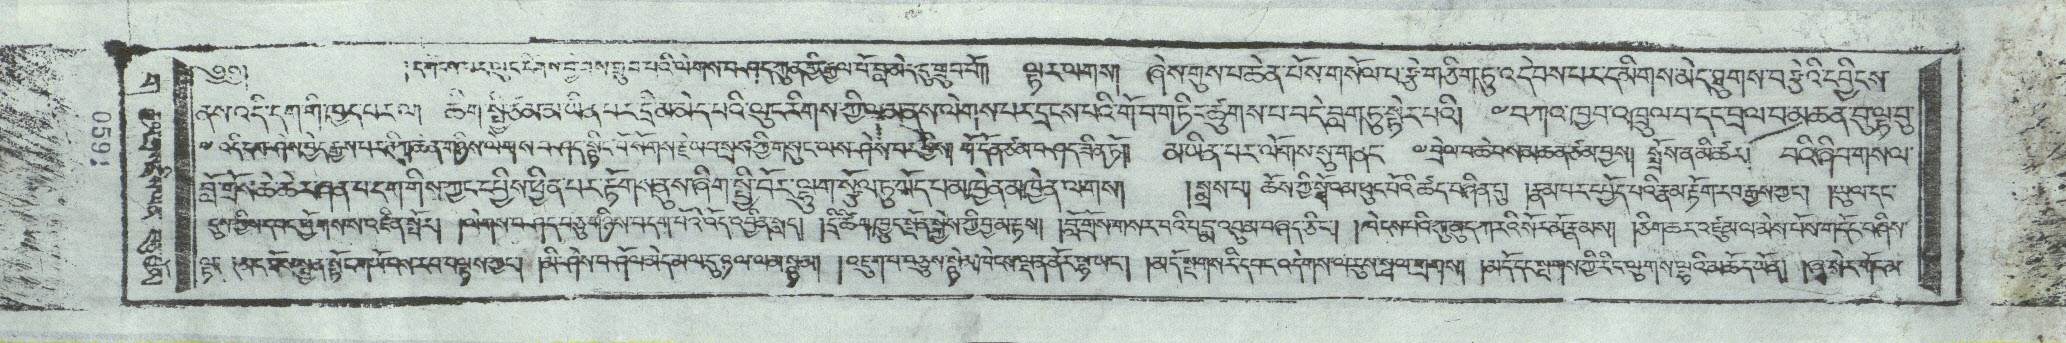༄༅། །དགོངས་པར་ལུང་རིགས་བྱེ་བས་གྲུབ་པའི་ལེགས་བཤད་ཀུན་གྱི་རྒྱལ་པོ་བླ་མེད་དུ་གྲུབ་པོ།། ལྟར་ལགས། ཞེས་གུས་པ་ཆེན་པོས་གསོལ་པ་རྩེ་གཅིག་ཏུ་འདེབས་པར་དམིགས་མེད་ཐུགས་བརྩེའི་དབྱིངས་
ནས་འདི་དག་གི་ཁྱད་པར་ལ། ཚིག་སྤྱི་ཙམ་མ་ཡིན་པར་དྲི་མ་མེད་པའི་ལུང་རིགས་ཀྱི་ལམ་ནས་ལེགས་པར་དྲངས་པའི་གོ་བ་གཏིང་ཚུགས་པ་བདེ་བླག་ཏུ་སྟེར་པའི། ༧བཀའ་ཁྱབ་འཁྲུལ་བ་དང་བྲལ་བ་མཆན་བུ་ལྟ་བུ་
༧འདི་དག་ཤེས་བྱེད་རྒྱས་པར་ཊིཀ་ཆེན་གཉིས་ལེགས་བཤད་སྙིང་པོ་སོགས་རྗེ་ཡབ་སྲས་ཀྱི་གསུང་ལས་ཤེས་བར་གྱིས། གོ་དོན་ཙམ་བཤད་ཟིན་ཏོ།།  མ་ཡིན་པར་ལོགས་སུ་གནང་༧བྲེལ་བ་ཆེ་བས་མཆན་ཙམ་བྱས། སྤྲོས་ན་མི་ཚར།  བའི་ཞིབ་གསལ་
བློ་གྲོས་ཆེ་ཆེར་ཞན་བདག་གིས་ཀྱང་དཔྱིས་ཕྱིན་པར་རྟོགས་ནུས་ཞིག་སྤྱི་བོར་ལྷུག་སྩོལ་ཏུ་ཡོད་པ་མཁྱེན་མཁྱེན་ལགས། །སྨྲས་པ། ཆོས་ཀྱི་སྒོའམ་ཕུང་པོའི་ཚད་བཞིན་དུ། །རྣམ་པར་དཔྱོད་པའི་རྣམ་རྟོག་རབ་རྒྱས་ཀྱང་། །ཡུལ་དང་
དུས་ཀྱིས་དབང་ཕྱོགས་ས་འཛིན་སྤོར། །ལེགས་བཤད་བཅུ་གཉིས་བདག་
པོའི་འོད་འབྱིན་སླད། །དྲི་ཚིག་ཁྱུང་སྔོན་སྐྱེས་ཀྱི་བྱ་མ་རྟས། །བློ་གྲོས་གསར་བའི་པདམ་འབུམ་བཞད་ཅིང་། །ཁེངས་པའི་ཀུ་མུད་ཀ་རའི་སོར་མོ་རྣམས། །ཅིག་ཆར་འཛུམ་ལ་མེས་པོས་གདོང་བཞིས་
ལྟ༑ ༑མང་ཐོས་སྤྱན་སྟོང་གཡོ་བས་རབ་བལྟས་ཀྱང་། །མི་ཤེས་བཤོལ་མེད་མལ་དུ་ཉལ་ལམ་སྙམ། །འཇུག་པ་བཅུས་སྙེམ་ཁེངས་ལྡན་ནོར་ལྷ་ཡང་། །མདོ་སྔགས་རི་དབང་འདེགས་ལ་དུས་སྤལ་གྲགས། །མདོ་དང་སྔགས་ཀྱི་རིང་ལུགས་ལྷའི་མཆོད་ཡོན། །ཞྭ་སེར་གོང་མ་